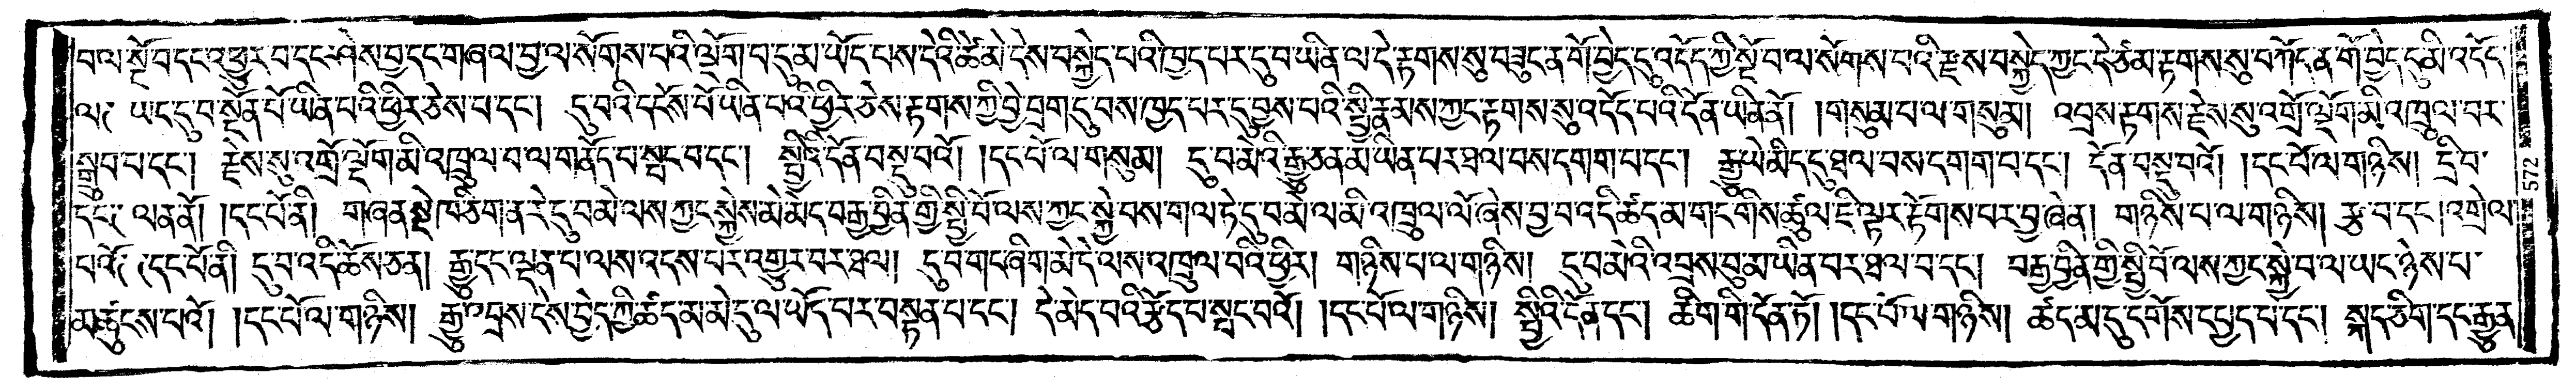བ་ལ་སྔོ་བ་དང་འཕྱུར་བ་དང་ཤེས་བྱ་དང་གཞལ་བྱ་ལ་སོགས་པའི་ལྡོག་པ་དུ་མ་ཡོད་པས་དེའི་ཚེ་མེ་དེས་བསྐྱེད་པའི་ཁྱད་པར་དུ་བ་ཡིན་ལ་དེ་རྟགས་སུ་བཟུང་ན་གོ་བྱེད་དུ་འདོད་ཀྱི་སྔོ་བ་ལ་སོགས་པའི་རྫས་བསྐྱེད་ཀྱང་དེ་ཙམ་རྟགས་སུ་བཀོད་ན་གོ་བྱེད་དུ་མི་འདོད་
ལ། ཡང་དུ་བ་སྔོན་པོ་ཡིན་པའི་ཕྱིར་ཅེས་པ་དང་། དུ་བའི་དངོས་པོ་ཡིན་པའི་ཕྱིར་ཅེས་རྟགས་ཀྱི་བྱེ་བྲག་དུ་བས་ཁྱད་པར་དུ་བྱས་པའི་སྤྱི་རྣམས་ཀྱང་རྟགས་སུ་འདོད་པའི་དོན་ཡིན་ནོ། །གསུམ་པ་ལ་གསུམ། འབྲས་རྟགས་རྗེས་སུ་འགྲོ་ལྡོག་མི་འཁྲུལ་བར་
སྒྲུབ་པ་དང་། རྗེས་སུ་འགྲོ་ལྡོག་མི་འཁྲུལ་བ་ལ་གནོད་པ་སྤང་བ་དང་། སྤྱིའི་དོན་བསྡུ་བའོ། །དང་པོ་ལ་གསུམ། དུ་བ་མེའི་རྒྱུ་ཅན་མ་ཡིན་པར་ཐལ་བས་དགག་པ་དང་། རྒྱུ་ཡེ་མིད་དུ་ཐལ་བས་དགག་པ་དང་། དོན་བསྡུ་བའོ། །དང་པོ་ལ་གཉིས། དྲི་བ་
དང་། ལན་ནོ། །དང་པོ་ནི། གཞན་སྡེ་ཁ་ཅིག་ན་རེ་དུ་བ་མེ་ལས་ཀྱང་སྐྱེས་མེ་མེད་བརྒྱ་བྱིན་གྱི་སྤྱི་བོ་ལས་ཀྱང་སྐྱེ་བས་གལ་ཏེ་དུ་བ་མེ་ལ་མི་འཁྲུལ་ལོ་ཞེས་བྱ་བ་འདི་ཚད་མ་གང་གིས་ཚུལ་ཇི་ལྟར་རྟོགས་པར་བྱ་ཞེ་ན། གཉིས་པ་ལ་གཉིས། རྩ་བ་དང་། འགྲེལ་
པའོ། །དང་པོ་ནི། དུ་བ་འདི་ཆོས་ཅན། རྒྱུ་དང་ལྡན་པ་ལས་འདས་པར་འགྱུར་བར་ཐལ། དུ་བ་གང་ཞིག་མེ་དེ་ལས་འཁྲུལ་བའི་ཕྱིར། གཉིས་པ་ལ་གཉིས། དུ་བ་མེའི་འབྲས་བུ་མ་ཡིན་པར་ཐལ་བ་དང་། བརྒྱ་བྱིན་གྱི་སྤྱི་བོ་ལས་ཀྱང་སྐྱེ་བ་ལ་ཡང་ཉེས་པ་
མཚུངས་པའོ། །དང་པོ་ལ་གཉིས། རྒྱུ་འབྲས་ངེས་བྱེད་ཀྱི་ཚད་མ་མེ་དུ་ལ་ཡོད་པར་བསྟན་པ་དང་། དེ་མེད་པའི་རྩོད་པ་སྤང་བའོ། །དང་པོ་ལ་གཉིས། སྤྱིའི་དོན་དང་། ཚིག་གི་དོན་ཏོ། །དང་པོ་ལ་གཉིས། ཚད་མ་དུ་དགོས་དཔྱད་པ་དང་། སྐད་ཅིག་དང་རྒྱུན་